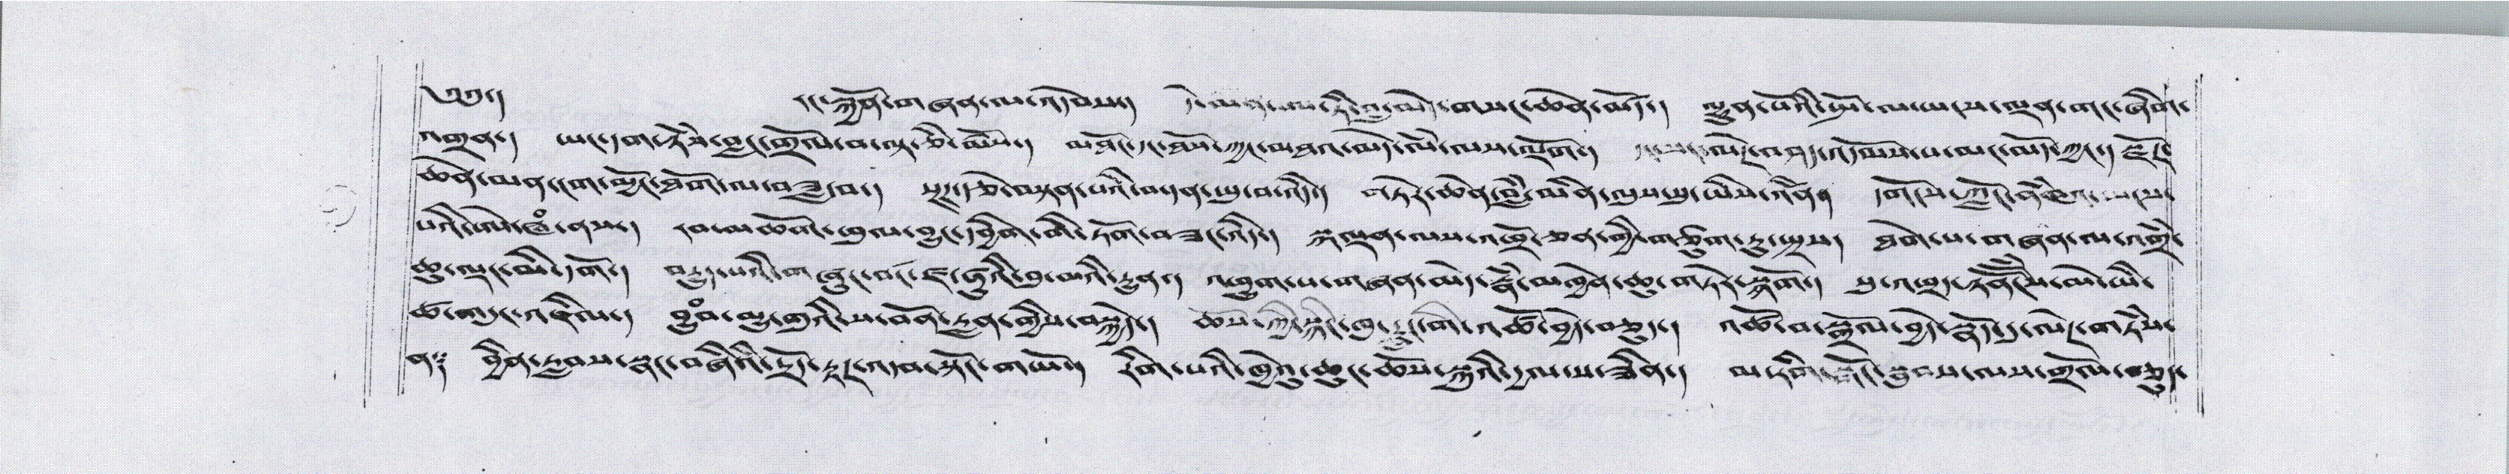རང་སྐྱོན་གཞན་ལ་འདེབས། །དེ་མན་ཨ་ཏི་བླ་མེད་གསང་ཆེན་མཛོད། །ལྷུན་པོའི་སྤོ་ལ་ཡངས་ལྡན་གང་ཞིག་
འགྲན། །ཡང་དག་ཉམས་བླང་གྲོལ་བ་ལྟ་ཅི་སྨྲོས། །མཐོང་དང་ཐོས་ཀྱང་མཐའ་མེད་ལམ་ལས་ལྡོག །དེང་སང་ལེགས་བཤད་འདོམས་པ་མང་མོད་ཀྱང་། །རྫོགས་
ཆེན་མན་ངག་མྱོང་ཐོག་ལ་བཟླ་བ། །སྔགས་བརྩེ་བསྟན་པའི་བ་དན་ཡུ་བ་འདི། །གཏེར་ཆེན་བླ་མ་མིན་ལུས་སུ་ཡིས་འཛིན། །དགོངས་ཀློང་ནམ་མཁའ་ཡངས་
པའི་ཨེ་ཝཾ་ནས། །རབ་མཆོག་ཕུལ་བྱུང་དབྱིགས་གི་ཏོག་བཟང་འདི། །སྐལ་ལྡན་ལས་འཕྲོ་ཅན་གྱི་གཙུག་ཏུ་སྤྲས། །ཐེག་པ་གཞན་ལ་འགྲམ་
ཆུ་ལྡང་མི་དགོས། །བརྒྱུད་པའི་གཞུང་བཟང་ཛ་ཧུའི་བུ་མོའི་རྒྱུན། །འཁྱུག་པ་གཞན་མེད་རྣམ་མཁྱེན་ཆུ་གཏེར་སྙོགས། །སུ་འཕྲད་ཉོན་མོངས་མེ་ཡི་
ཚ་གདུང་འཇིལ། །བྱང་ཆུབ་མྱུ་གུའི་ས་བོན་རླན་གྱིས་བསྐྱེད། །ཆོས་ཀྱི་སྙིང་ཁུ་རླུང་གི་འཚོ་བྱེད་བཅུད། །འཚོ་བ་སྒྲོལ་བྱེད་སྣོད་དུ་ལེགས་གཏམས་
ན། །བྱིན་རླབས་སྣང་བཞིའི་དྲོད་རྟགས་འདབ་སྟོང་གཡོ། །རིག་པའི་ཁྱེའུ་ཆུང་ཆོས་སྐུའི་རྒྱལ་ས་ཟིན། །མ་རིག་སྒོང་སྦུབས་ལས་གྲོལ་བཅུད་